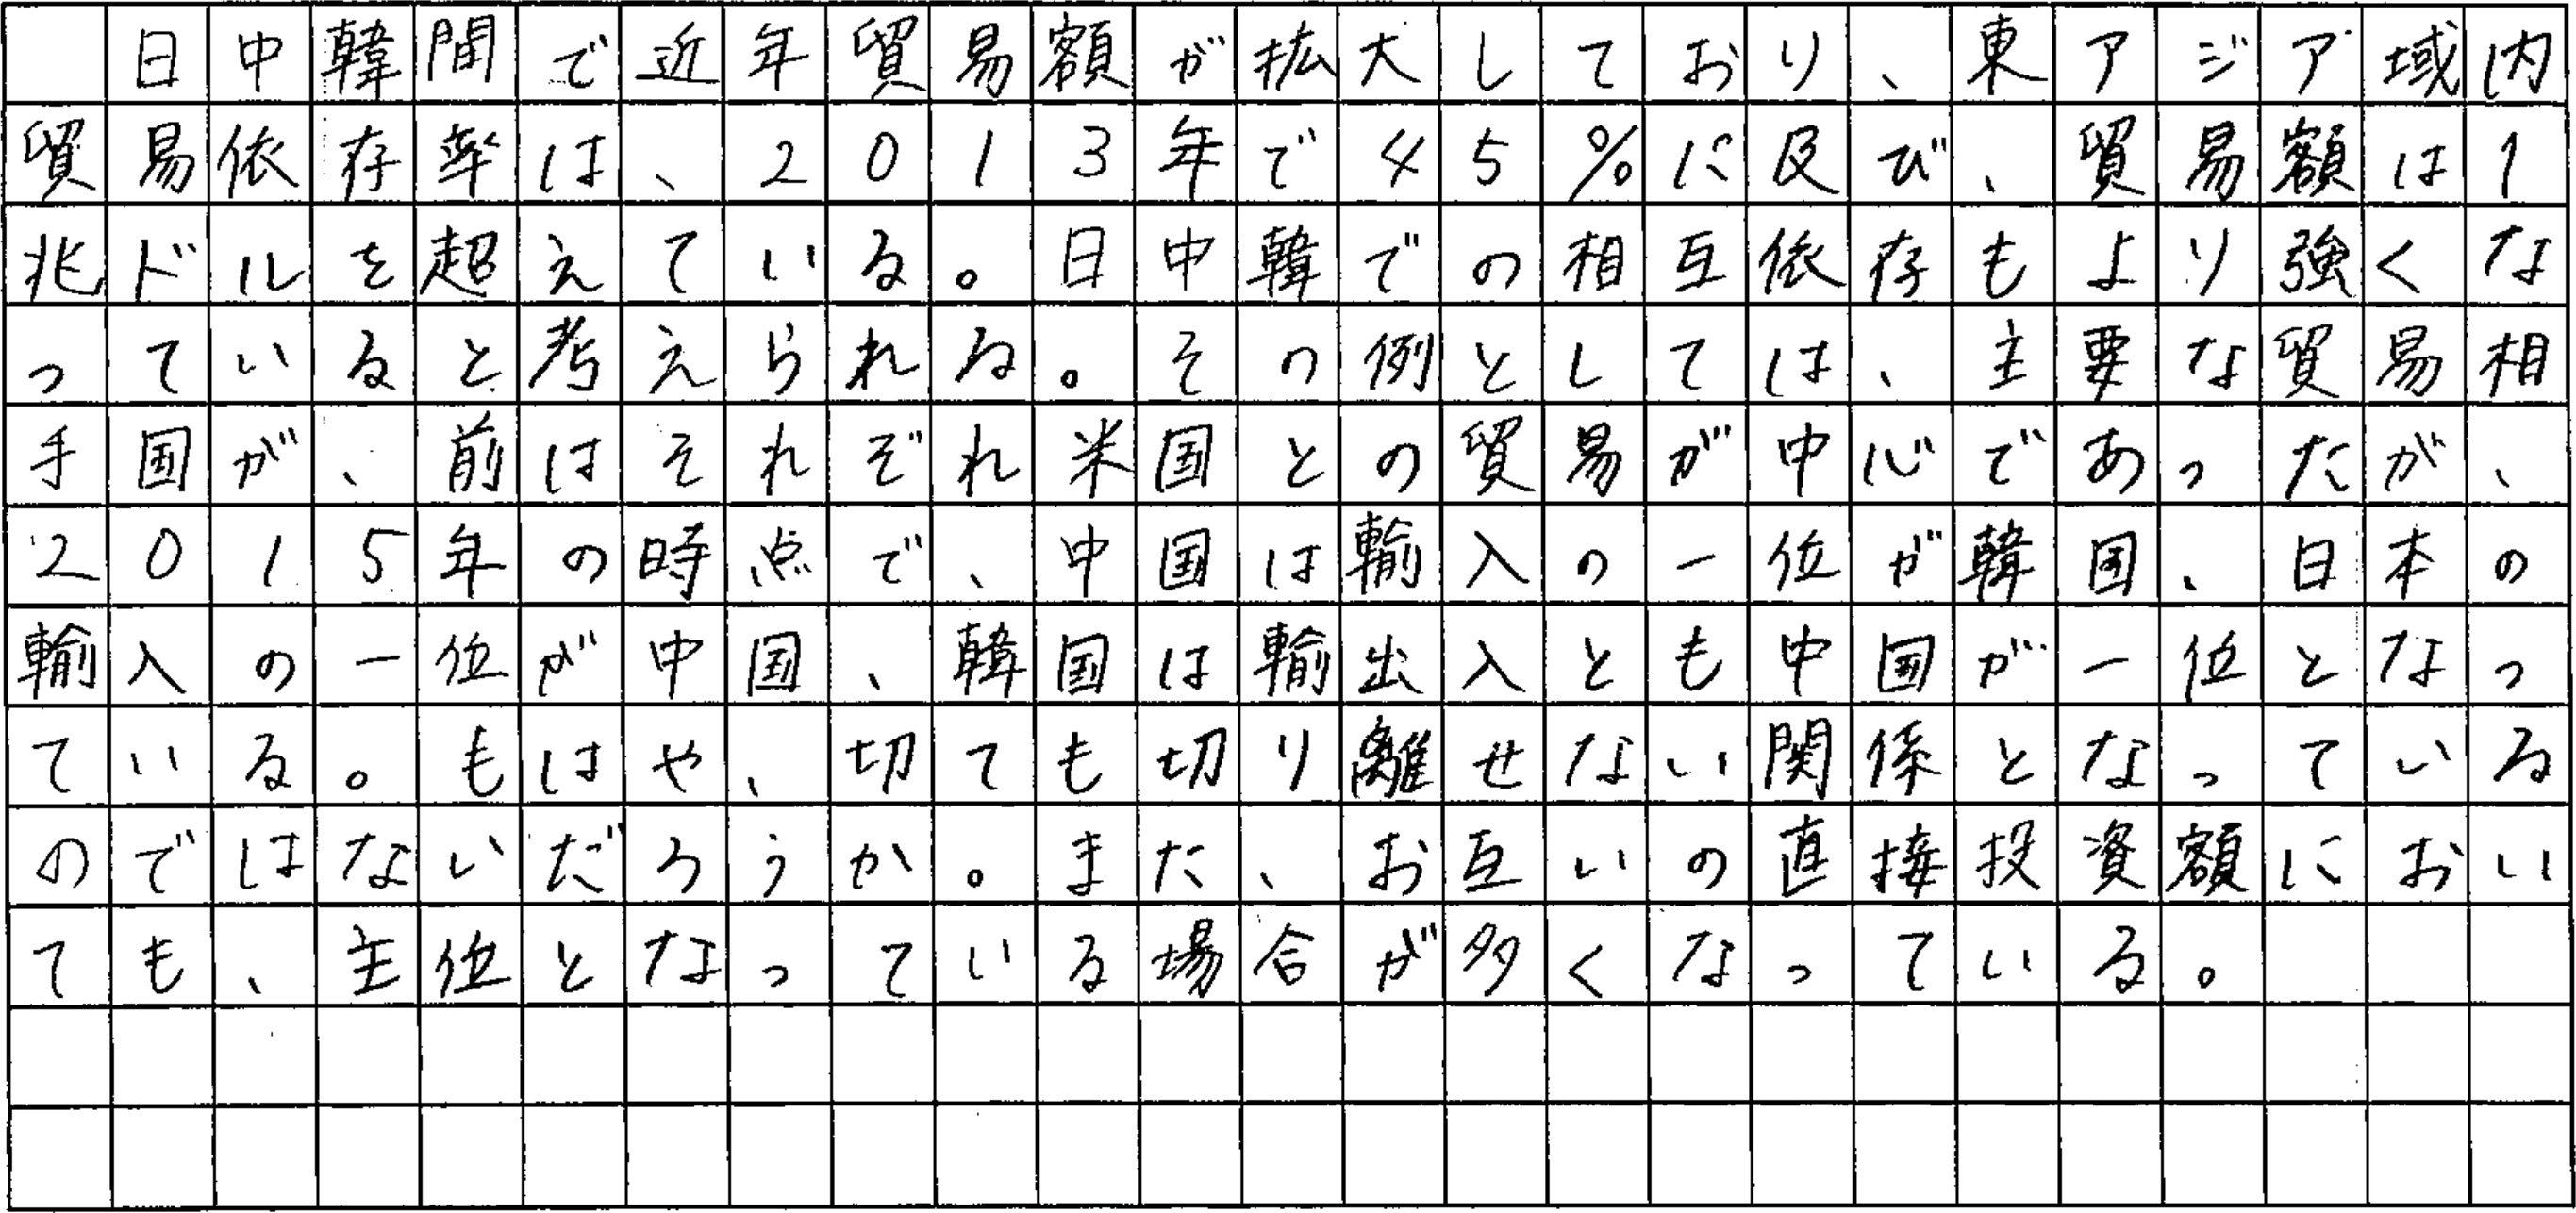　日中韓間で近年貿易額が拡大しており、東アジア域内貿易依存率は、２０１３年で４５％に及び、貿易額は１兆ドルを超えている。日中韓での相互依存もより強くなっていると考えられる。その例としては、主要な貿易相手国が、前はそれぞれ米国との貿易が中心であったが、２０１５年の時点で、中国は輸入の一位が韓国、日本の輸入の一位が中国、韓国は輸出入とも中国が一位となっている。もはや、切ても切り離せない関係となっているのではないだろうか。また、お互いの直接投資額においても、主位となっている場合が多くなっている。
